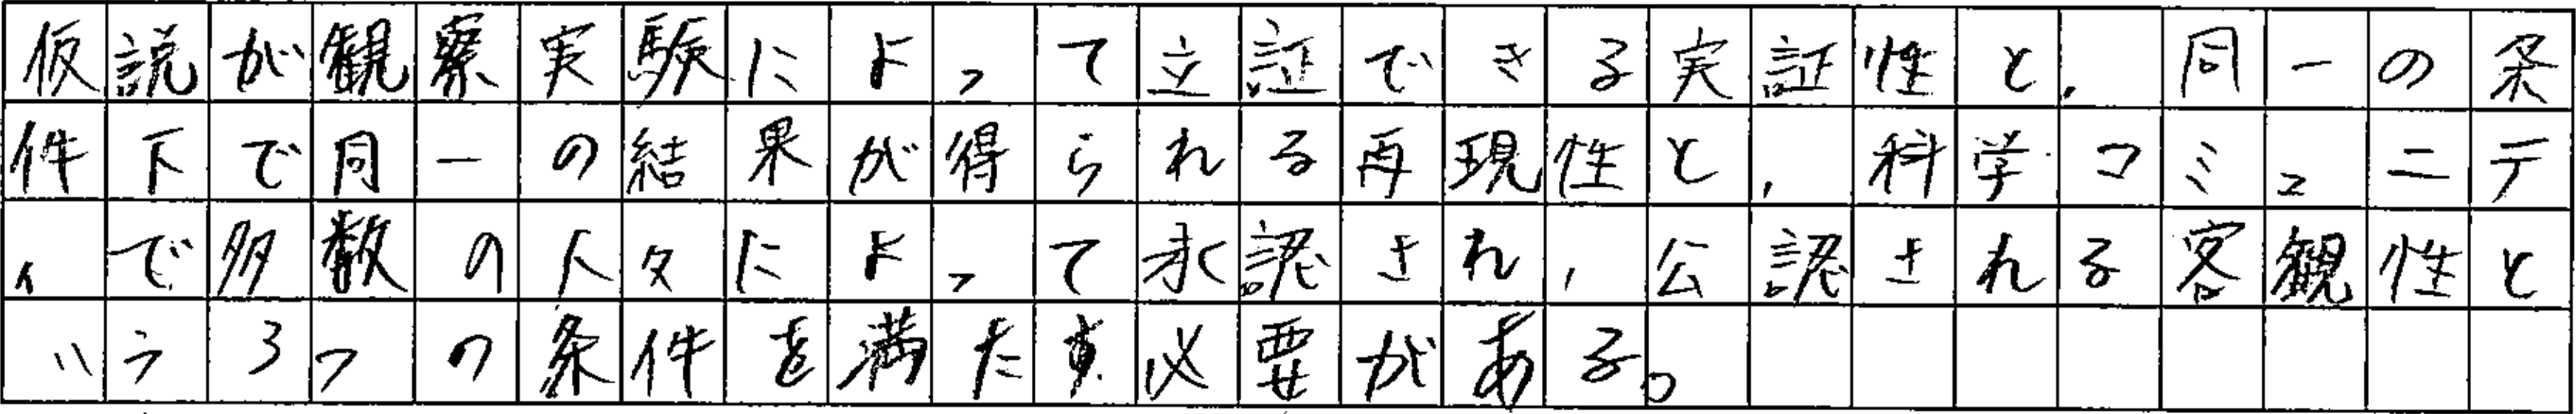仮説が観察実験によって立証できる実証性と、同一の条件下で同一の結果が得られる再現性と、科学コミュニティで多数の人々によって承認され、公認される客観性という３つの条件を満たす必要がある。
